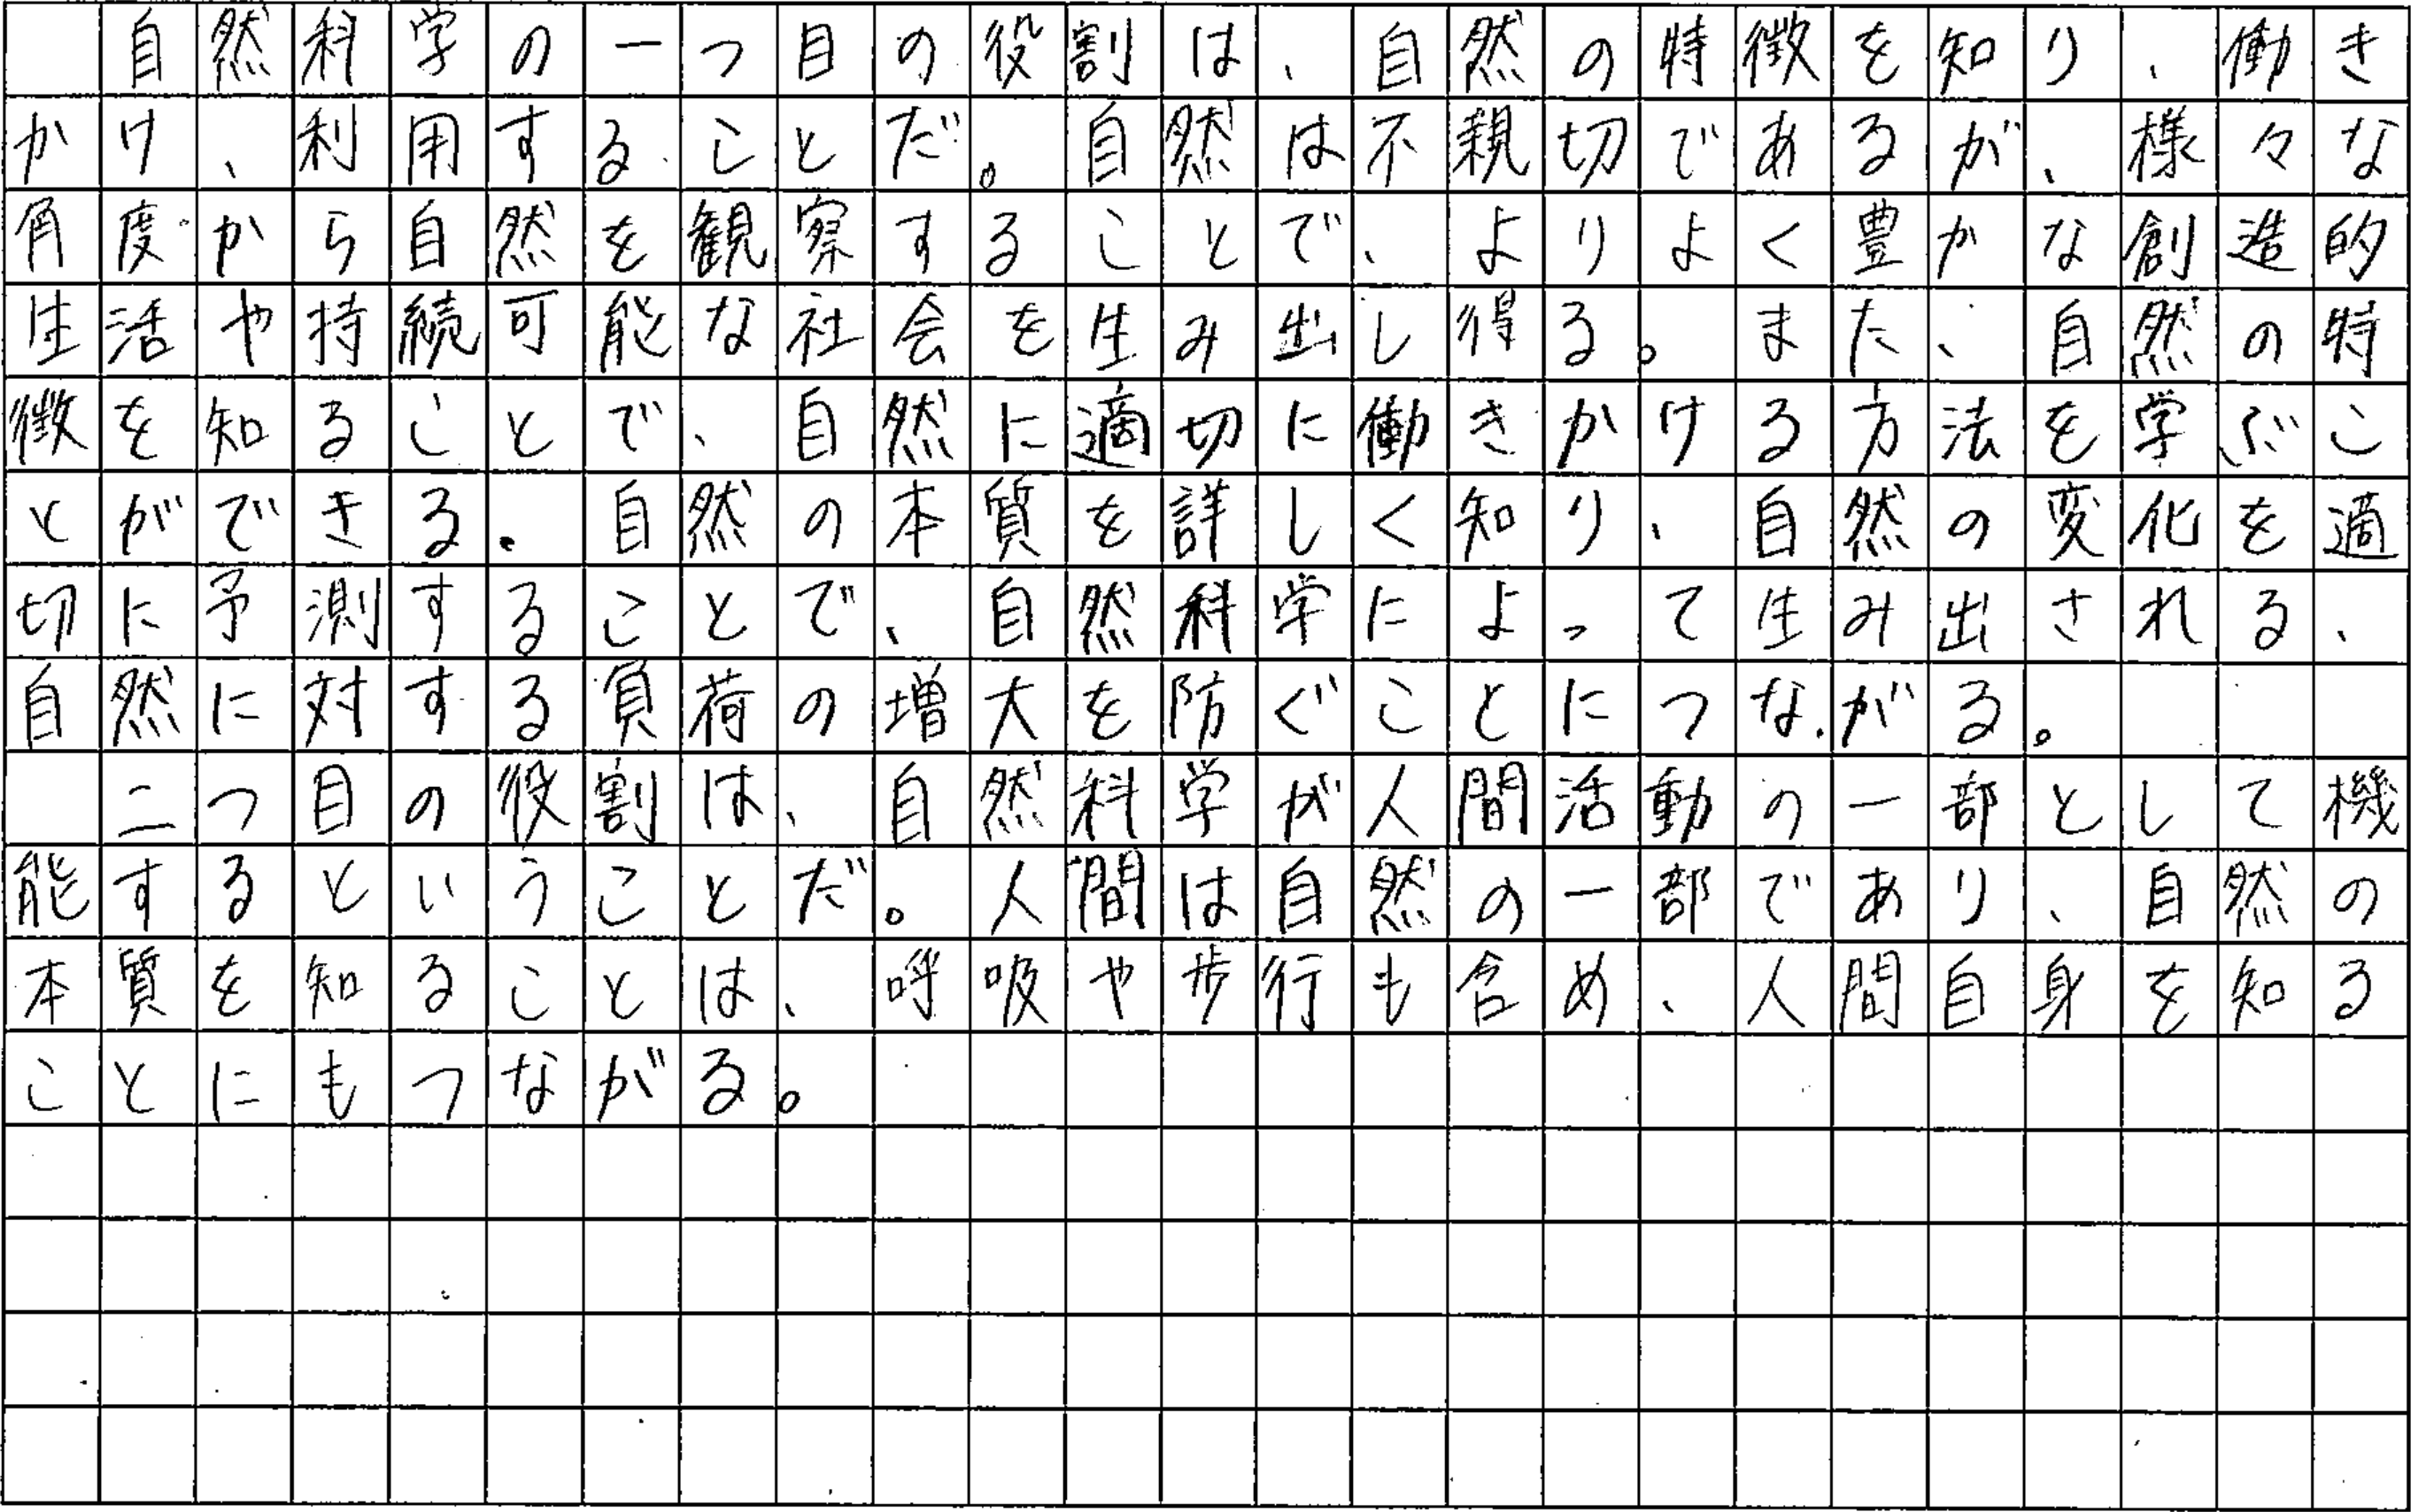　自然科学の一つ目の役割は、自然の特徴を知り、働きかけ、利用することだ。自然は不親切であるが、様々な角度から自然を観察することで、よりよく豊かな創造的生活や持続可能な社会を生み出し得る。また、自然の特徴を知ることで、自然に適切に働きかける方法を学ぶことができる。自然の本質を詳しく知り、自然の変化を適切に予測することで、自然科学によって生み出される、自然に対する負荷の増大を防ぐことにつながる。　
　二つ目の役割は、自然科学が人間活動の一部として機能するということだ。人間は自然の一部であり、自然の本質を知ることは、呼吸や歩行も含め、人間自身を知ることにもつながる。
